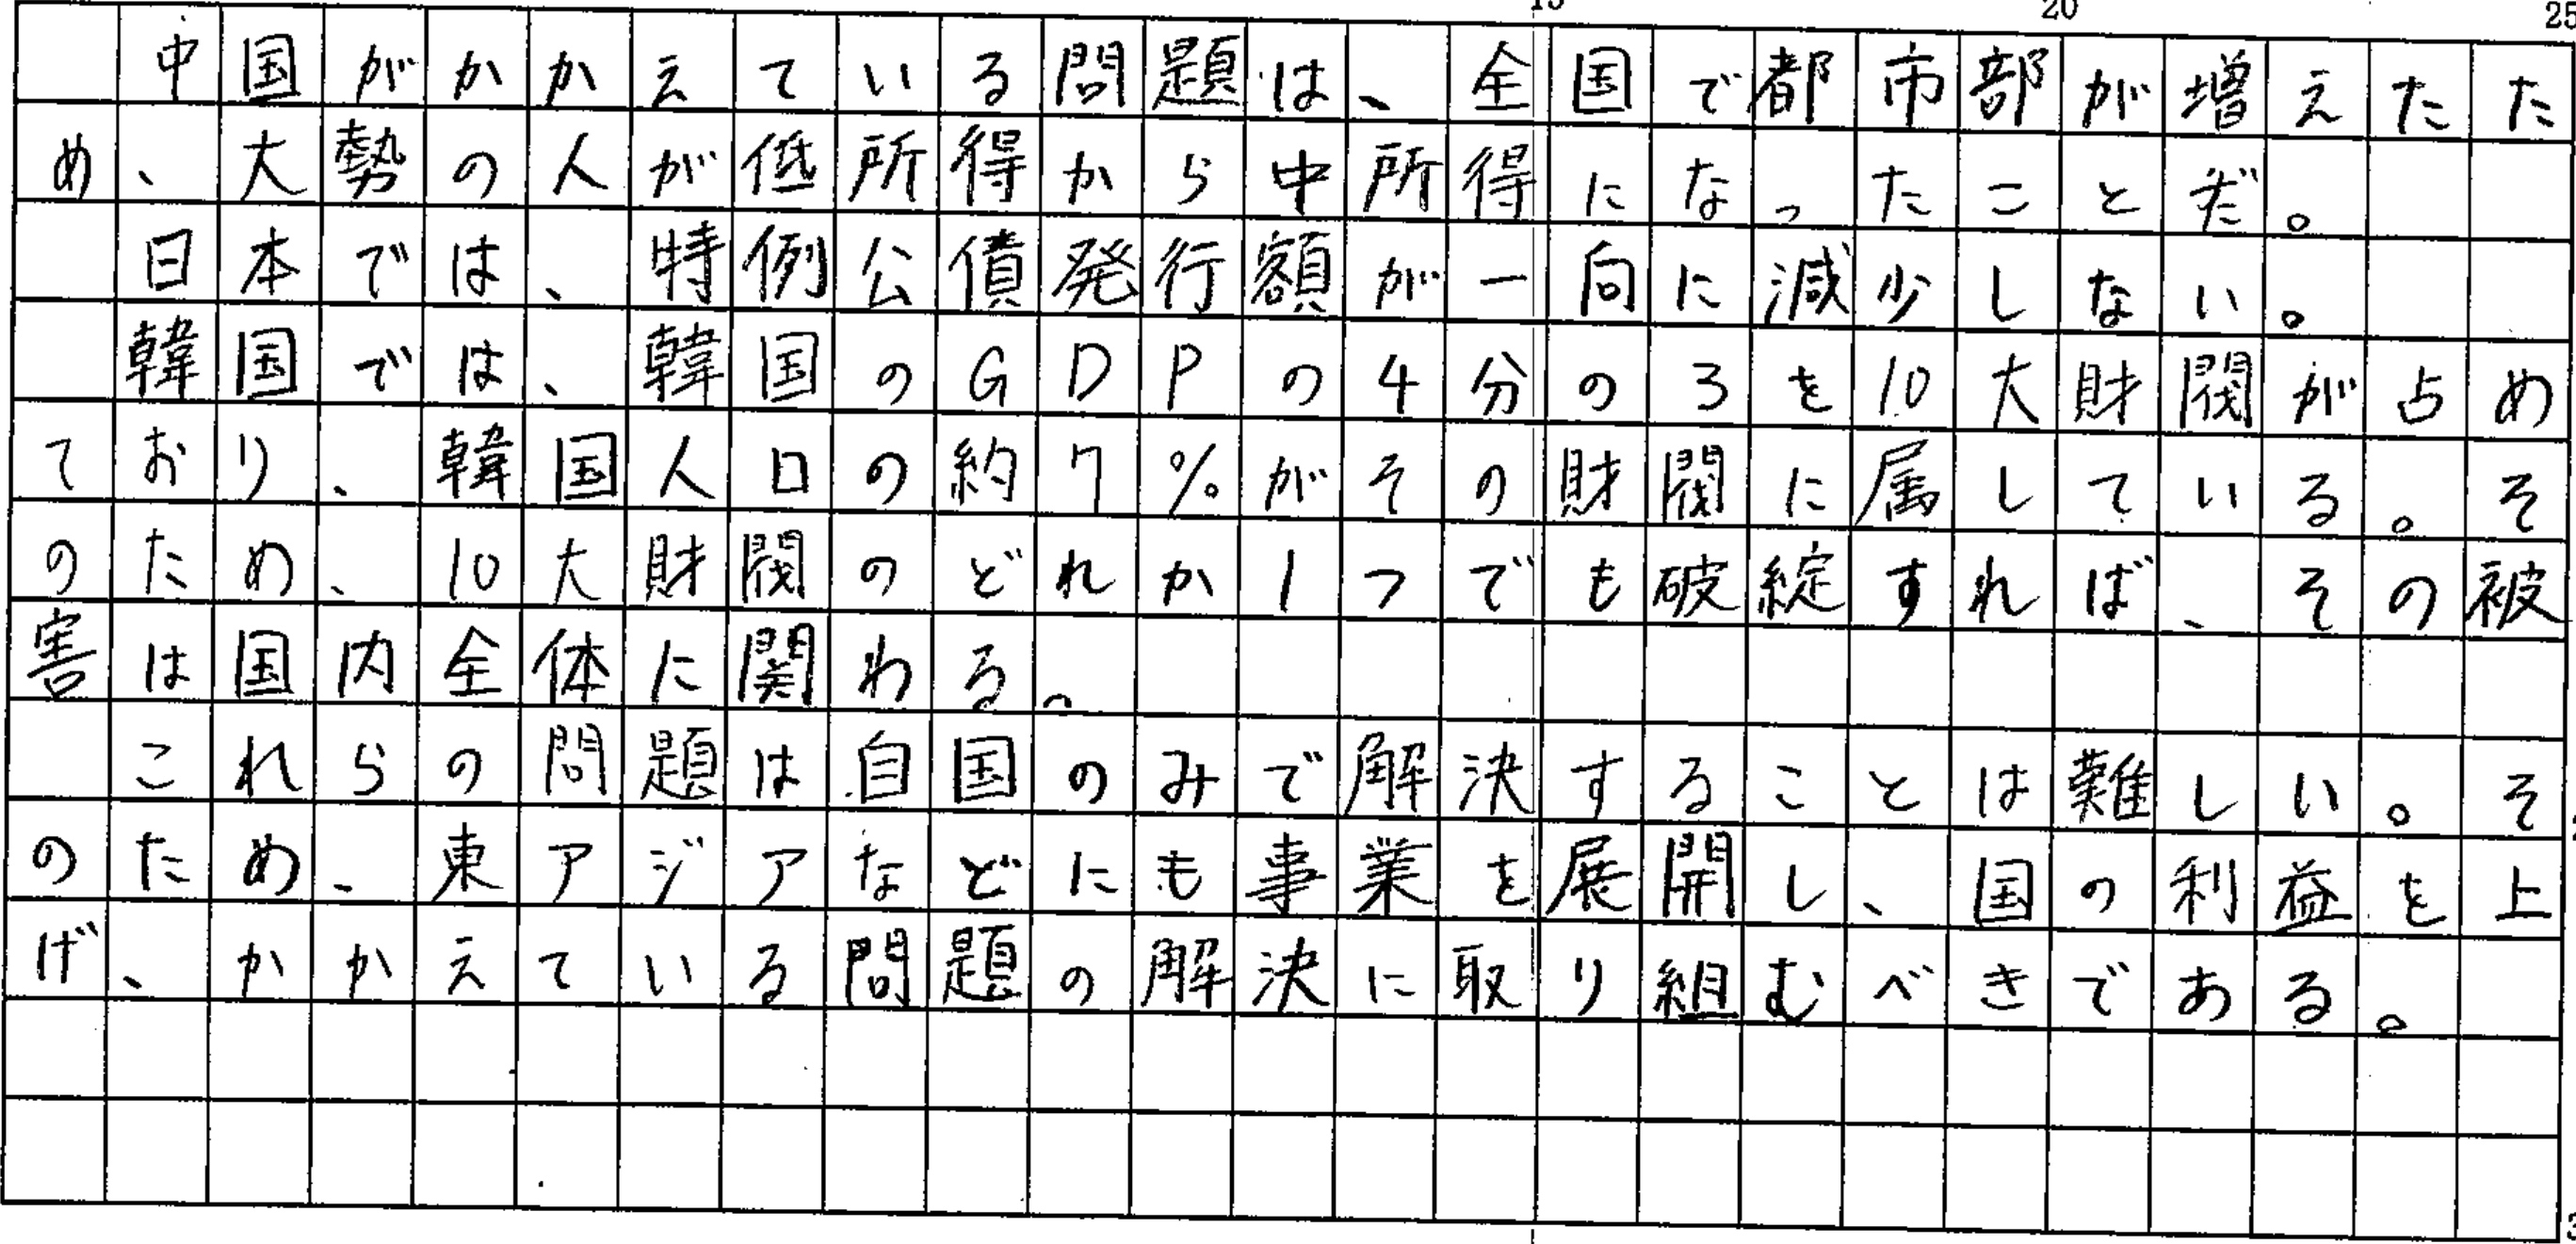　中国がかかえている問題は、全国で都市部が増えたため、大勢の人が低所得から中所得になったことだ。
　日本では、特例公債発行額が一向に減少しない。
　韓国では、韓国のＧＤＰの４分の３を１０大財閥が占めており、韓国人口の約７％がその財閥に属している。そのため、１０大財閥のどれか１つでも破綻すれば、その被害は国内全体に関わる。
　これらの問題は自国のみで解決することは難しい。そのため、東アジアなどにも事業を展開し、国の利益を上げ、かかえている問題の解決に取り組むべきである。
